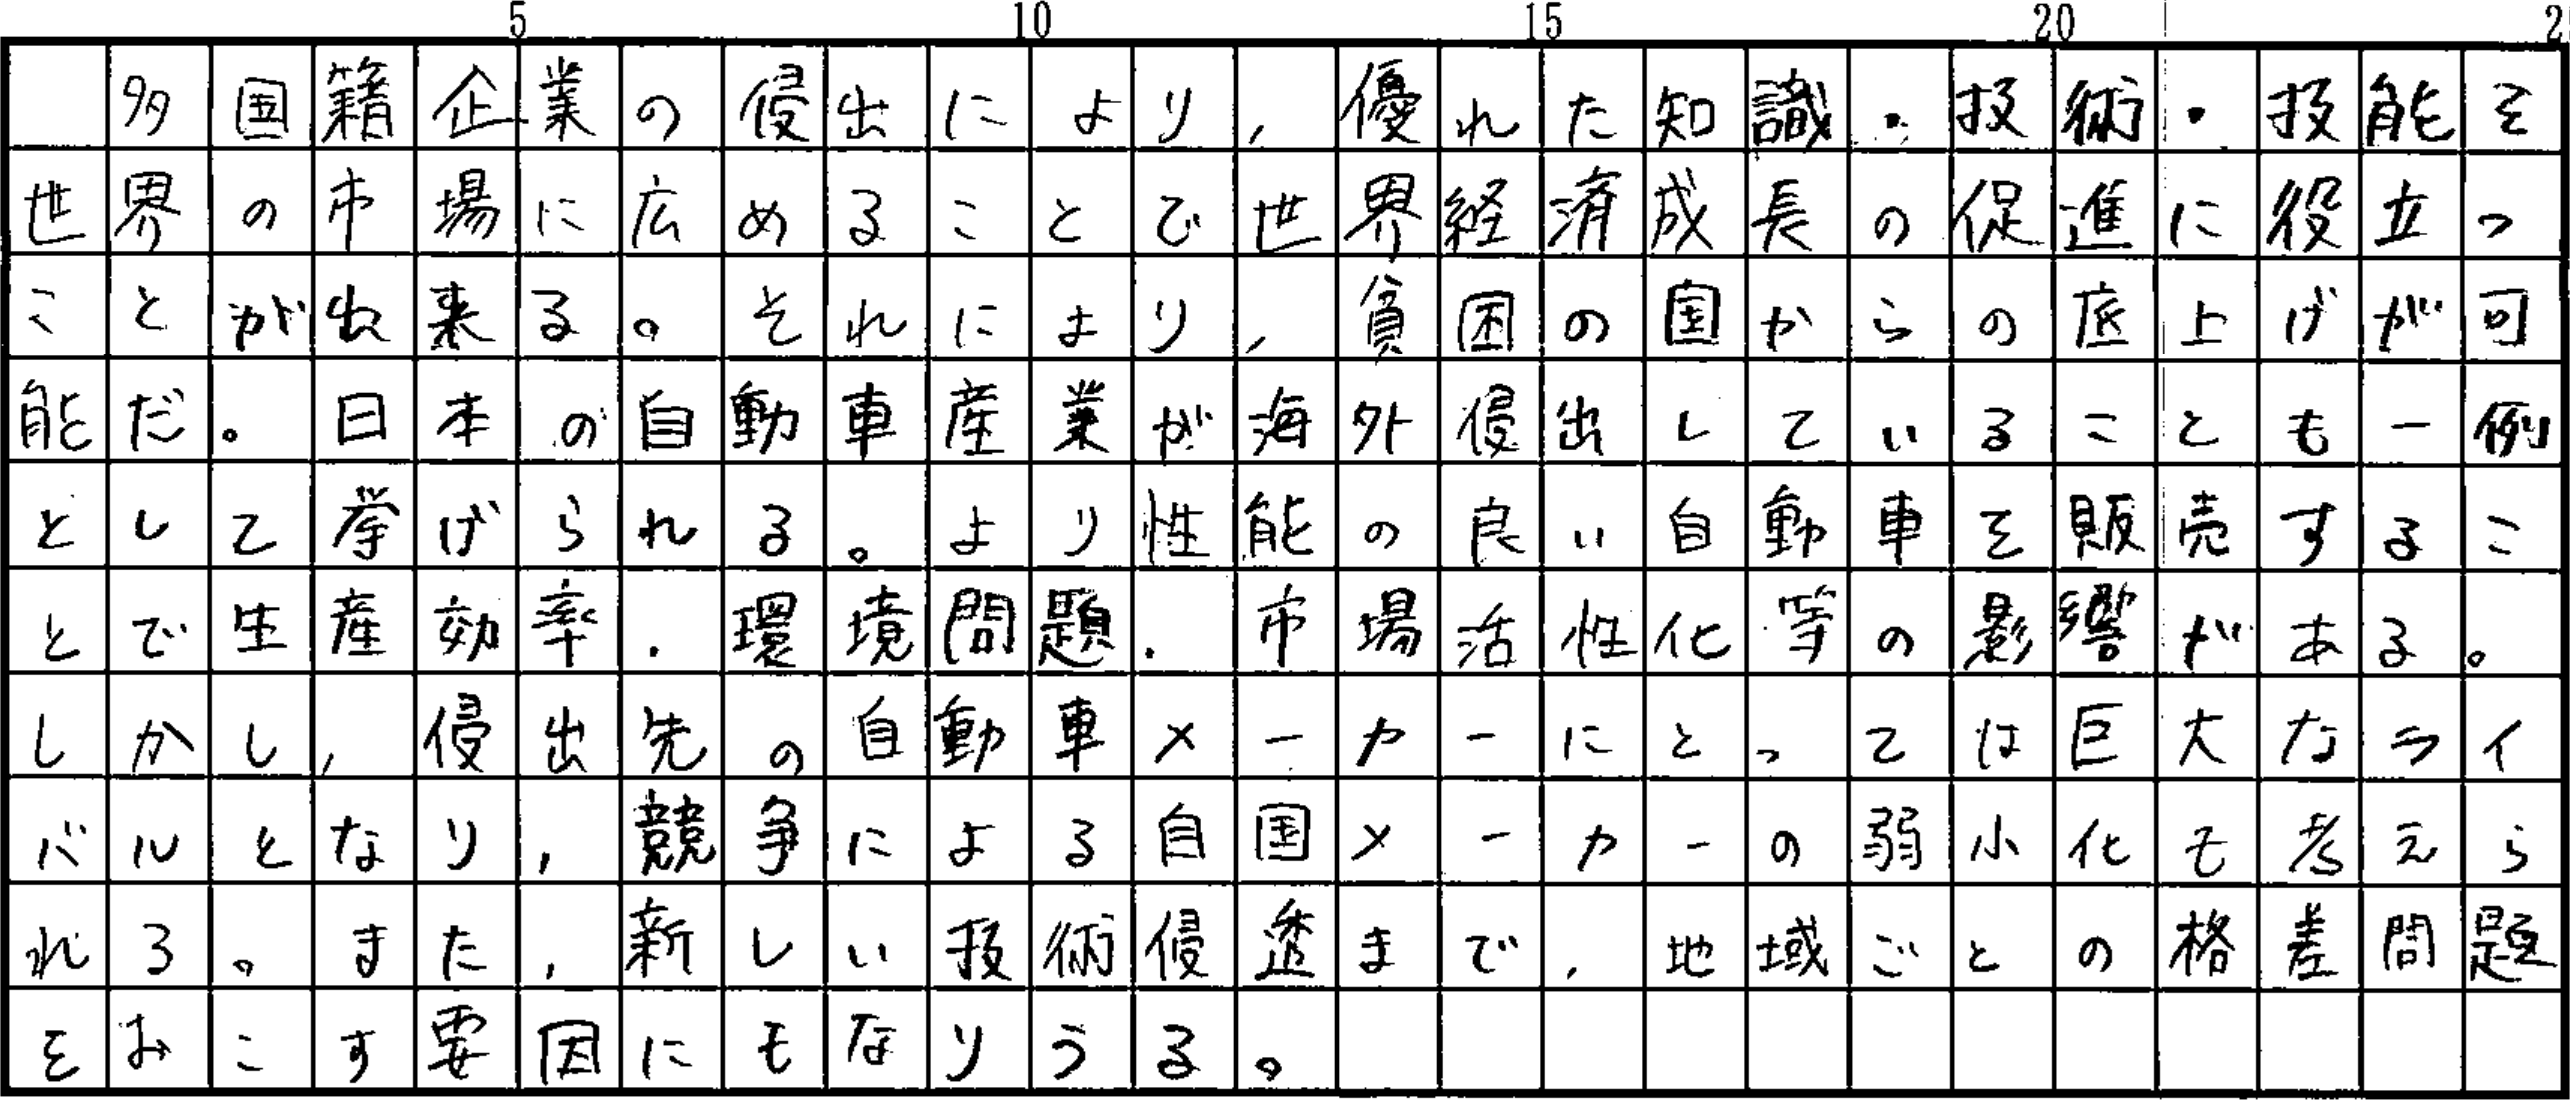　多国籍企業の侵出により、優れた知識・技術・技能を世界の市場に広めることで世界経済成長の促進に役立つことが出来る。それにより、貧困の国からの底上げが可能だ。日本の自動車産業が海外侵出していることも一例として挙げられる。より性能の良い自動車を販売することで生産効率、環境問題、市場活性化等の影響がある。しかし、侵出先の自動車メーカーにとっては巨大なライバルとなり、競争による自国メーカーの弱小化も考えられる。また、新しい技術侵透まで、地域ごとの格差問題をおこす要因にもなりうる。
